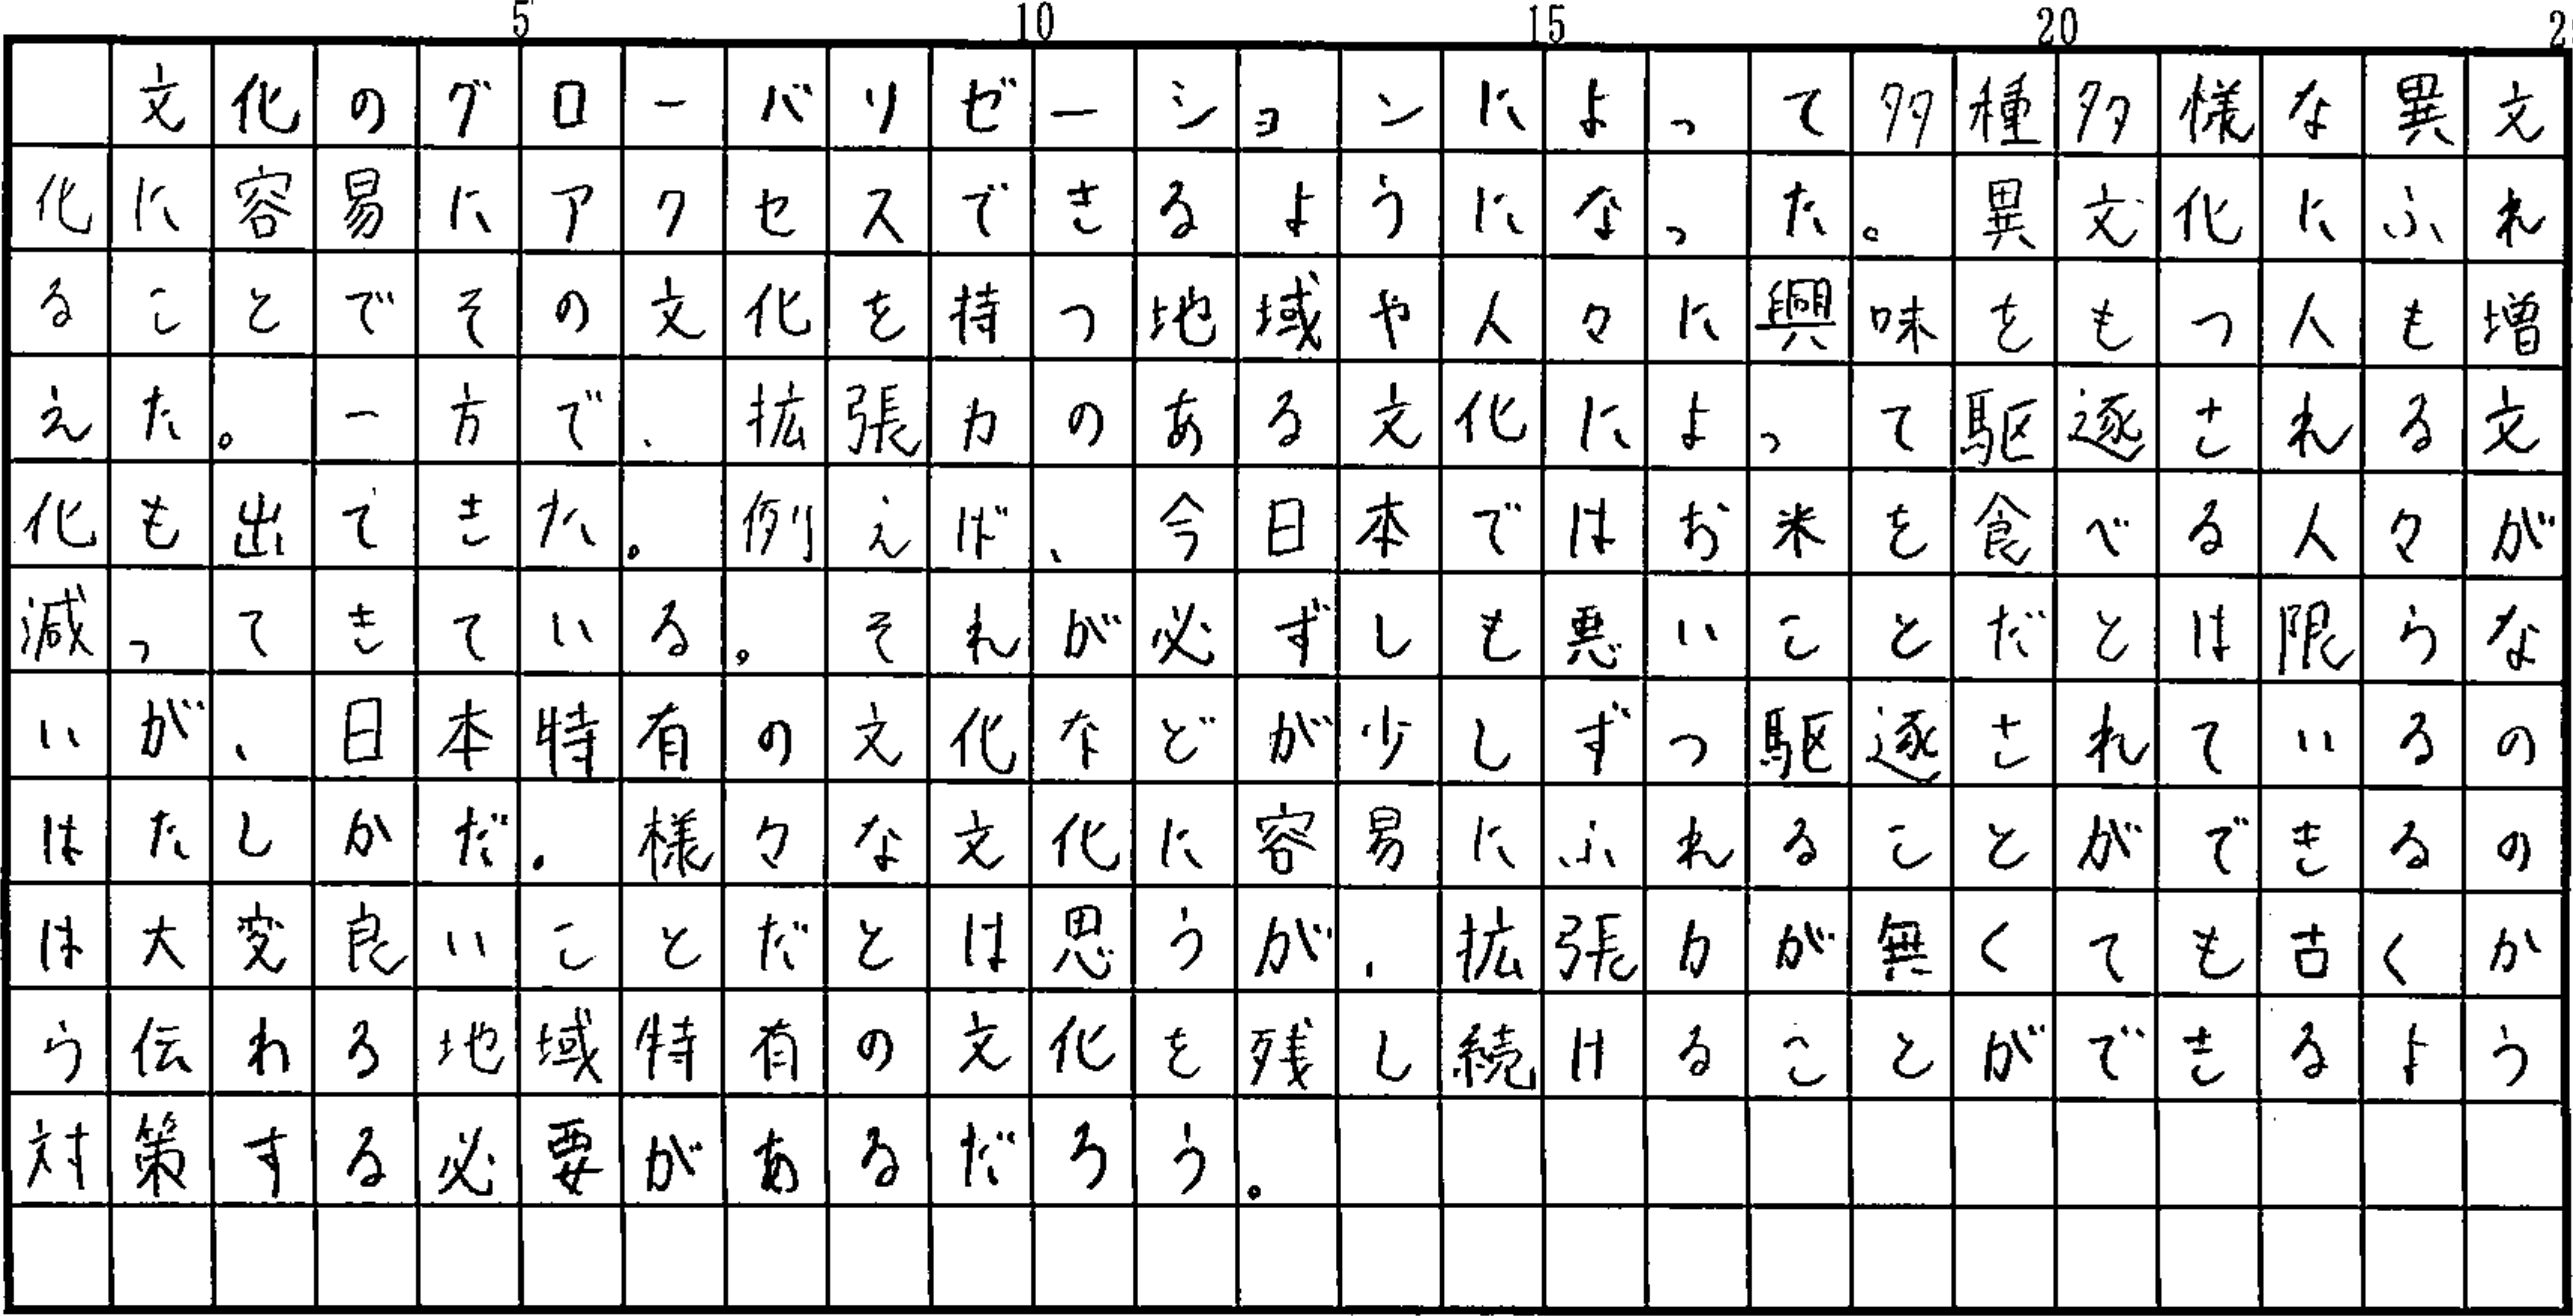　文化のグローバリゼーションによって多種多様な異文化に容易にアクセスできるようになった。異文化にふれることでその文化を持つ地域や人々に興味をもつ人も増えた。一方で、拡張力のある文化によって駆逐される文化も出てきた。例えば、今日本ではお米を食べる人々が減ってきている。それが必ずしも悪いことだとは限らないが、日本特有の文化などが少しずつ駆逐されているのはたしかだ。様々な文化に容易にふれることができるのは大変良いことだとは思うが、拡張力が無くても古くから伝わる地域特有の文化を残し続けることができるよう対策する必要があるだろう。
